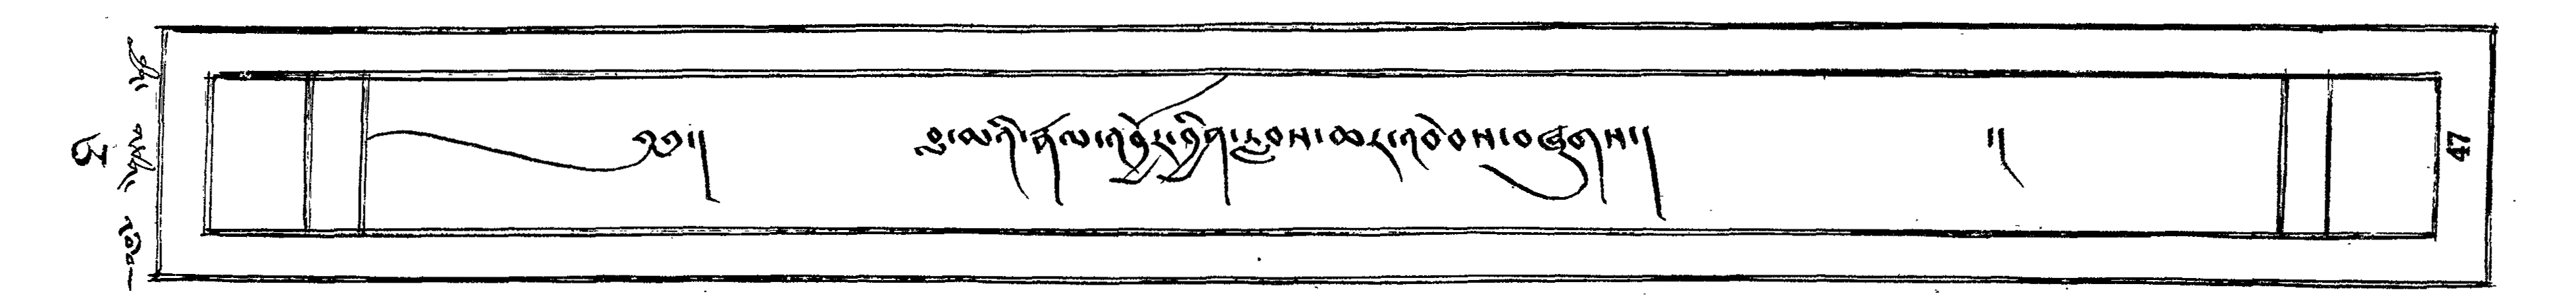༄༅། བླ་མའི་རྣལ་འབྱོར་བྱིན་རླབས་ཆར་འབེབས་བཞུགས།